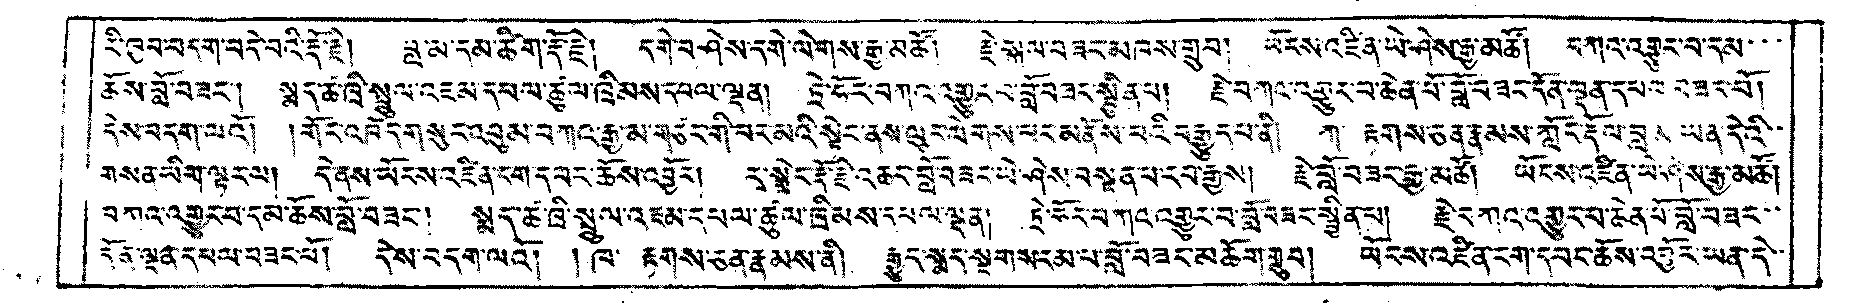རི་ཁྱབ་བདག་བདེ་བའི་རྡོ་རྗེ། བླ་མ་དམ་ཚིག་རྡོ་རྗེ། དགེ་བཤེས་དགེ་ལེགས་རྒྱ་མཚོ། རྗེ་སྐལ་བཟང་མཁས་གྲུབ། ཡོངས་འཛིན་ཡེ་ཤེས་རྒྱ་མཚོ། བཀའ་འགྱུར་བ་དམ་
ཆོས་བློ་བཟང་། སྨད་ཚ་ཁྲི་སྤྲུལ་འཇམ་དཔལ་ཚུལ་ཁྲིམས་དཔལ་ལྡན། ཏྲེ་ཧོར་བཀའ་འགྱུར་བ་བློ་བཟང་སྦྱིན་པ། རྗེ་བཀའ་འགྱུར་བ་ཆེན་པོ་བློ་བཟང་དོན་ལྡན་དཔལ་བཟང་པོ།
དེས་བདག་ལའོ། །གོང་འཁོད་གསུང་འབུམ་བཀའ་རྒྱ་མ་གཙང་གི་པར་མའི་སྟེང་ནས་ལུང་ལེགས་པར་མནོས་པའི་བརྒྱུད་པ་ནི། ཀ་རྟགས་ཅན་རྣམས་ཀློང་རྡོལ་བླ་མ་ཡན་དེའི་
གསན་ཡིག་ལྟར་ལ། དེ་ནས་ཡོངས་འཛིན་ངག་དབང་ཆོས་འབྱོར། རྭ་སྒྲེང་རྡོ་རྗེ་འཆང་བློ་བཟང་ཡེ་ཤེས་བསྟན་པ་རབ་རྒྱས། རྗེ་བློ་བཟང་རྒྱ་མཚོ། ཡོངས་འཛིན་ཡེ་ཤེས་རྒྱ་མཚོ།
བཀའ་འགྱུར་བ་དམ་ཆོས་བློ་བཟང་། སྨད་ཚ་ཁྲི་སྤྲུལ་འཇམ་དཔལ་ཚུལ་ཁྲིམས་དཔལ་ལྡན། ཏྲེ་ཧོར་བཀའ་འགྱུར་བ་བློ་བཟང་སྦྱིན་པ། རྗེ་བཀའ་འགྱུར་བ་ཆེན་པོ་བློ་བཟང་
དོན་ལྡན་དཔལ་བཟང་པོ། དེས་བདག་ལའོ། །ཁ་རྟགས་ཅན་རྣམས་ནི། རྒྱུད་སྨད་སྔགས་རམ་པ་བློ་བཟང་མཆོག་གྲུབ། ཡོངས་འཛིན་ངག་དབང་ཆོས་འབྱོར་ཡན་དེ་